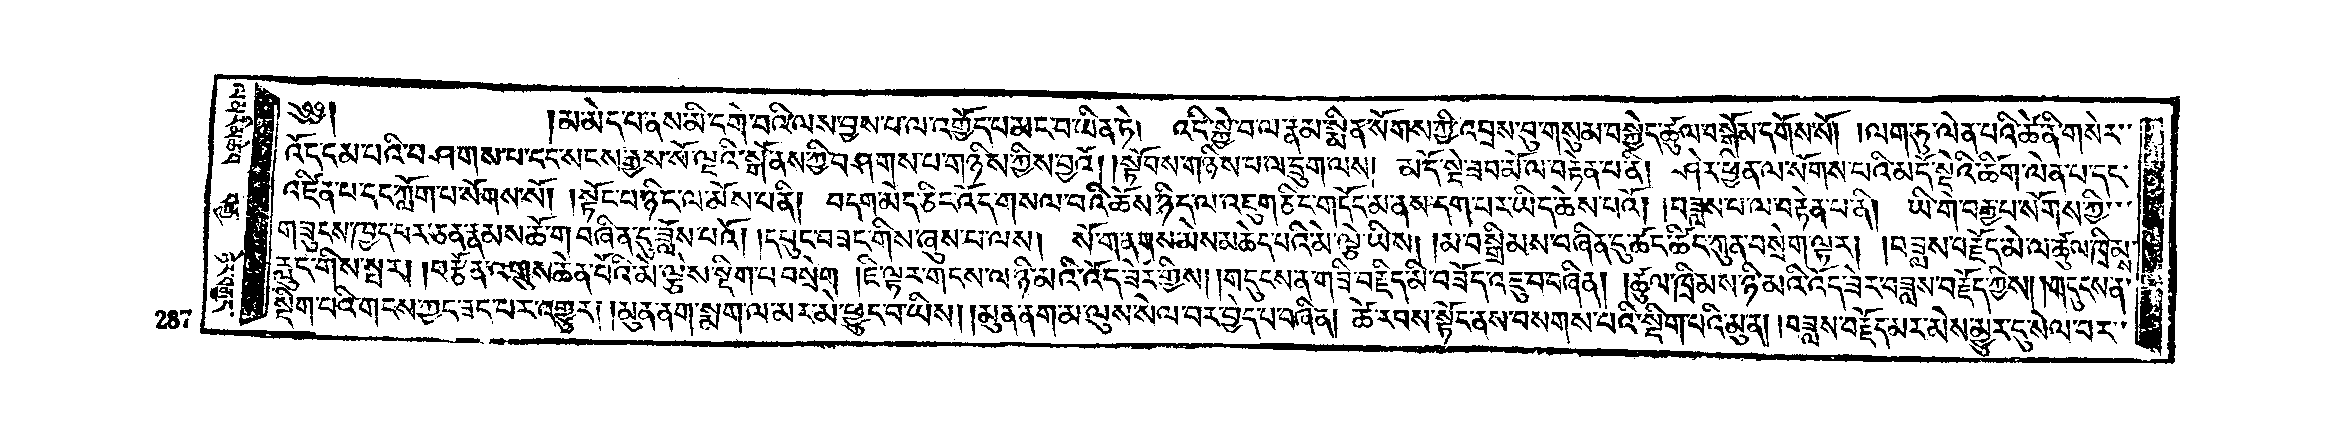༄༅། །མ་མེད་པ་ནས་མི་དགེ་བའི་ལས་བྱས་པ་ལ་འགྱོད་པ་མང་བ་ཡིན་ཏེ། འདི་སྐྱེ་བ་ལ་རྣམ་སྨིན་སོགས་ཀྱི་འབྲས་བུ་གསུམ་བསྐྱེད་ཚུལ་བསྒོམ་དགོས་སོ། །ལག་ཏུ་ལེན་པའི་ཚེ་ནི་གསེར་
འོད་དམ་པའི་བཤགས་པ་དང་སངས་རྒྱས་སོ་ལྔའི་སྒོ་ནས་ཀྱི་བཤགས་པ་གཉིས་ཀྱིས་བྱའོ། །སྟོབས་གཉིས་པ་ལ་དྲུག་ལས། མདོ་སྡེ་ཟབ་མོ་ལ་བརྟེན་པ་ནི། ཤེར་ཕྱིན་ལ་སོགས་པའི་མདོ་སྡེའི་ཚིག་ལེན་པ་དང་
འཛིན་པ་དང་ཀློག་པ་སོགས་སོ། །སྟོང་པ་ཉིད་ལ་མོས་པ་ནི། བདག་མེད་ཅིང་འོད་གསལ་བའི་ཆོས་ཉིད་ལ་འཇུག་ཅིང་གདོང་མ་ནས་དག་པར་ཡིད་ཆེས་པའོ། །བཟླས་པ་ལ་བརྟེན་པ་ནི། ཡི་གེ་བརྒྱ་པ་སོགས་ཀྱི་
གཟུངས་ཁྱད་པར་ཅན་རྣམས་ཆོ་ག་བཞིན་དུ་ཟློས་པའོ། །དཔུང་བཟང་གིས་ཞུས་པ་ལས། སོ་ག་ནགས་མེས་མཆེད་པའི་མེ་ལྕེ་ཡིས། །མ་བསྒྲིམས་བཞིན་དུ་ཚང་ཚིང་ཀུན་བསྲེག་ལྟར། །བཟླས་བརྗོད་མེ་ལ་ཚུལ་ཁྲིམས་
རླུང་གིས་སྤར། །བརྩོན་འགྲུས་ཆེན་པོའི་མེ་ལྕེས་སྡིག་པ་བསྲེག །ཇི་ལྟར་གངས་ལ་ཉི་མའི་འོད་ཟེར་གྱིས། །གདུངས་ན་གཟི་བརྗིད་མི་བཟོད་འཇུ་བ་བཞིན། །ཚུལ་ཁྲིམས་ཉི་མའི་འོད་ཟེར་བཟླས་བརྗོད་ཀྱིས། །གདུངས་ན་
སྡིག་པའི་གངས་ཀྱང་ཟད་པར་འགྱུར། །མུན་ནག་སྨག་ལ་མར་མེ་ཕྱུང་བ་ཡིས། །མུན་ནག་མ་ལུས་སེལ་བར་བྱེད་པ་བཞིན། །ཚེ་རབས་སྟོང་ནས་བསགས་པའི་སྡིག་པའི་མུན། །བཟླས་བརྗོད་མར་མེས་མྱུར་དུ་སེལ་བར་